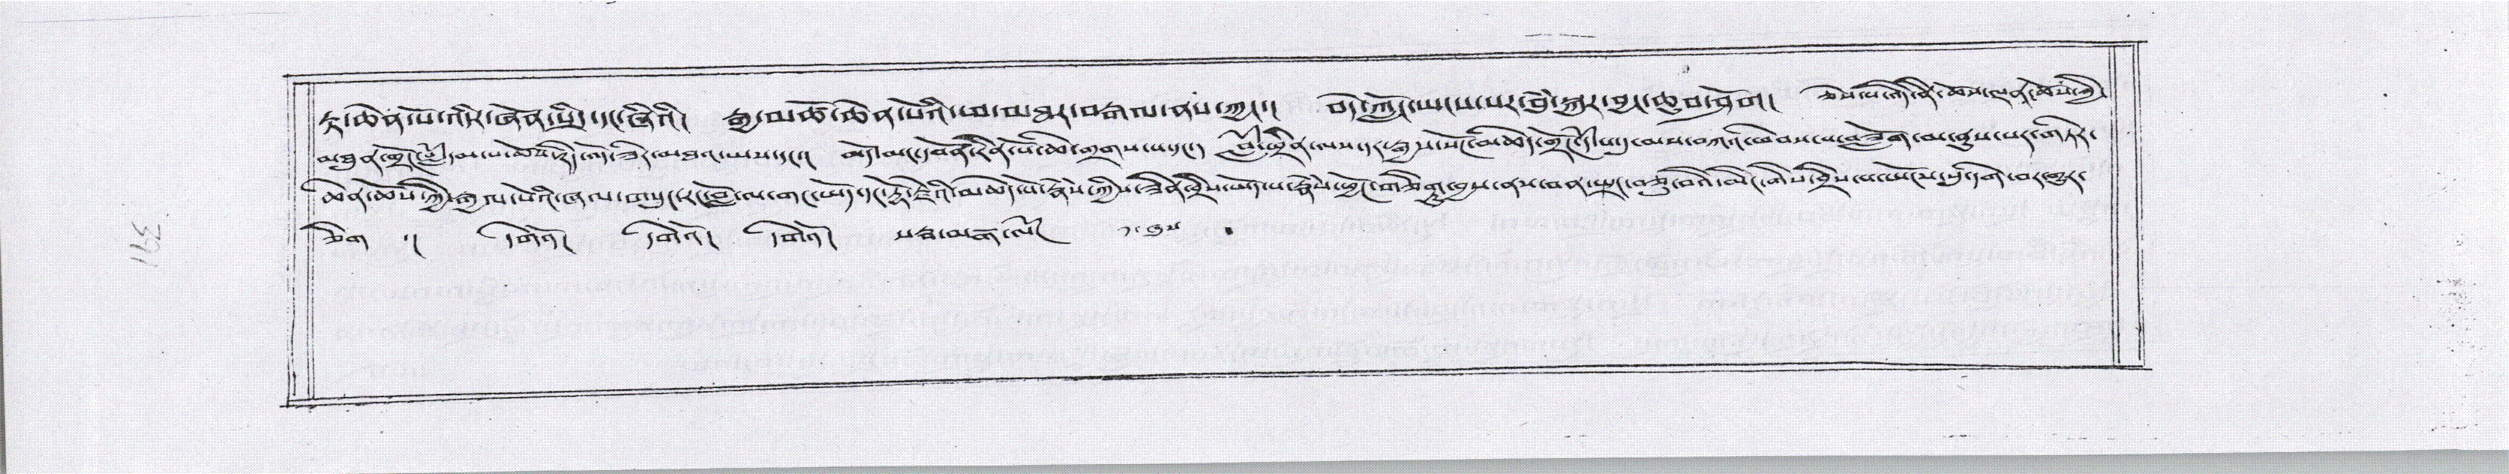རྟ་ཆེན་པོ་འདིར་ཞོན་སྲིད་དང་ཞིའི། རྒྱ་མཚོ་ཆེན་པོའི་ཕ་མཐར་བརྒལ་ནས་ཀྱང་། བདེ་ཀློང་ཡངས་པར་བུམ་སྐུར་སངས་རྒྱས་ཤོག །ཅེས་པ་འདི་ནི་ཆོས་ལྡན་ཆོས་ཀྱི་
མཐུན་གྲོགས་བླ་མ་དམ་པ་ཆོས་ཉིད་འོད་ཟེར་མཐའ་ཡས་དང་། མདོ་མང་དབོན་རིན་པོ་ཆེ་གྲགས་པ་དང་། བླ་མ་འཕྲིན་ལས་དར་རྒྱས་སོགས་མཆེད་གྲོགས་དམ་པ་དུ་མས་བཀའ་ཕེབས་པ་བཟློག་མ་ནུས་པར་གཏེར་
ཆེན་ཆོས་ཀྱི་རྒྱལ་པོའི་ཞལ་གསུང་རང་བློ་ལ་གང་ཡོད་དང་རྡོ་རྗེའི་མཆེད་པོ་རྣམས་ཀྱིས་ཟིན་བྲིས་ཡོད་པ་རྣམས་ཕྱོགས་གཅིག་ཏུ་བྱས་ནས་བན་སྤྲང་བཅུ་པའི་མིང་གིས་བྲིས་པ་ཡོངས་སུ་དགེ་བར་གྱུར་
ཅིག། །།དགེའོ། དགེའོ། དགེའོ། སརྦ་མངྒ་ལཾ། །